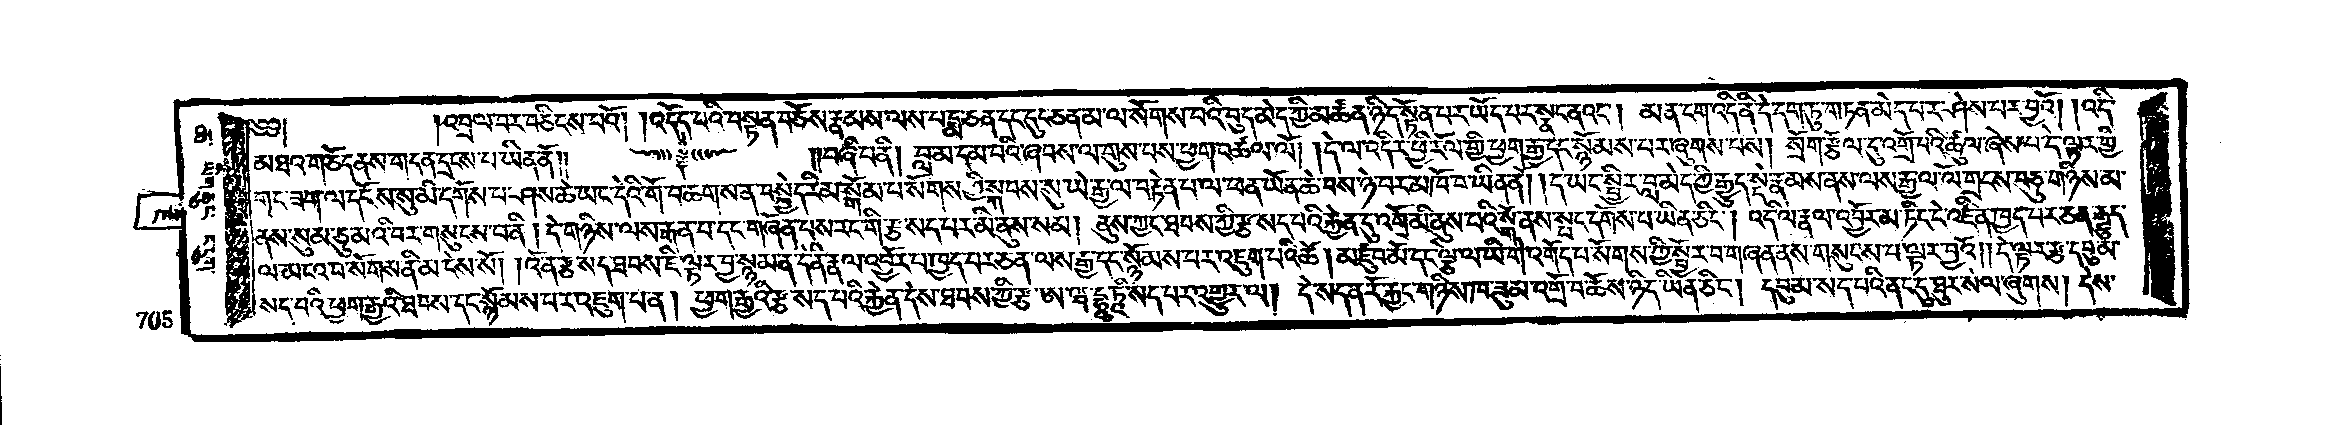༄༅། །འབྲལ་བར་བཅིངས་པའོ། །འདོད་པའི་བསྟན་བཅོས་རྣམས་ལས་པདམ་ཅན་དང་དུང་ཅན་མ་ལ་སོགས་པའི་བུད་མེད་ཀྱི་མཚན་ཉིད་སྟོན་པར་ཡོད་པར་སྣང་ནའང་། མན་ངག་འདི་ནི་དེ་དག་ཏུ་གཏན་མེད་པར་ཤེས་པར་བྱའོ། །འདི་
མཐའ་གཅོད་ནས་གདན་དྲངས་པ་ཡིན་ནོ།། ༈ །།བཞི་པ་ནི། བླ་མ་དམ་པའི་ཞབས་ལ་གུས་པས་ཕྱག་འཚལ་ལོ། །དེ་ལ་འདིར་ཕྱི་རོལ་གྱི་ཕྱག་རྒྱ་དང་སྙོམས་པར་ཞུགས་པས། སྲོག་རྩོལ་དུ་འགྲོ་པའི་ཚུལ་ཞས་པ་ད་ལྟར་གྱི་
གང་ཟག་ལ་དངོས་སུ་མི་དགོས་པ་ཤས་ཆེ་ཡང་དེའི་གོ་བ་ཆགས་ན་བསྐྱེད་རིམ་སྒོམ་པ་སོགས་ཀྱི་སྐབས་སུ་ཡེ་རྒྱ་ལ་བརྟེན་པ་ལ་ཕན་ཡོན་ཆེ་བས་ཉེ་བར་མཁོ་བ་ཡིན་ན། །དེ་ཡང་སྤྱིར་བླ་མེད་ཀྱི་རྒྱུད་སྡེ་རྣམས་ནས་ལས་རྒྱལ་ལོ་གྲངས་བཅུ་གཉིས་མ་
ནས་སུམ་ཅུ་མའི་བར་གསུངས་པ་ནི། དེ་གཉིས་ལས་རྒན་པ་དང་གཞོན་པས་རང་གི་རྩ་སད་པར་མི་ནུས་སམ། ནུས་ཀྱང་ཐབས་ཀྱི་རྩ་སད་པའི་རྐྱེན་དུ་འགྲོ་མི་ནུས་པའི་སྒོ་ནས་སྤང་དགོས་པ་ཡིན་ཅིང་། འདི་ལ་རྣལ་འབྱོར་མ་ཏིང་ངེ་འཛིན་ཁྱད་པར་ཅན་རྒྱུད་
ལ་མངའ་བ་སེགས་ནི་མ་ངེས་སོ། །འོ་ན་རྩ་སད་ཐབས་ཇི་ལྟར་བྱ་སྙམ་ན་དེ་ནི་རྣལ་འབྱོར་པ་ཁྱད་པར་ཅན་ལས་རྒྱ་དང་སྙོམས་པར་འཇུག་པའི་ཚེ། མཛུབ་མོ་དང་ལྕེ་ལ་ཡི་གེ་འགོད་པ་སོགས་ཀྱི་སྦྱོར་བ་གཞན་ནས་གསུངས་པ་ལྟར་བྱའོ། །དེ་ལྟར་རྩ་དབུ་མ་
སད་པའི་ཕྱག་རྒྱའི་ཐབས་དང་སྙོམས་པར་འཇུག་པ་ན། ཕྱག་རྒྱའི་རྩ་སད་པའི་རྐྱེན་དེས་ཐབས་ཀྱི་རྩ་ཨ་ཝ་དྷཱུ་ཏཱི་སད་པར་འགྱུར་ལ། དེ་སད་ན་རོ་རྐྱང་གཉིས་ཁ་ཟུམ་འགྲོ་བ་ཆོས་ཉིད་ཡིན་ཅིང་། དབུ་མ་སད་པའི་ནང་དུ་ཐུར་སེལ་ཞུགས། དེས་